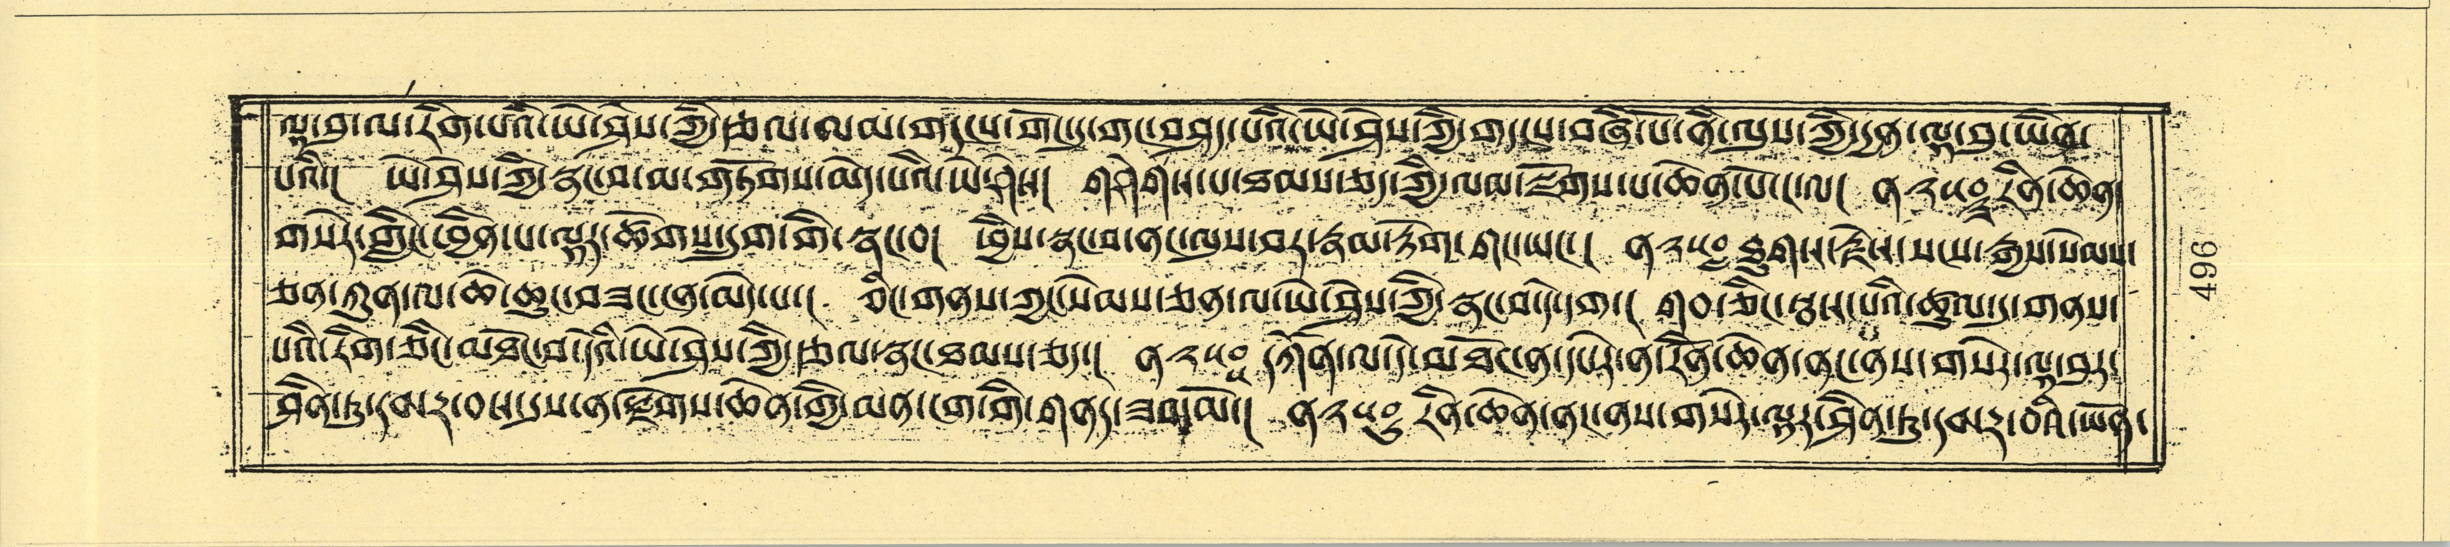ལྟ་བུ་ལ་རིག་པའི་ཡེ་ཤེས་རྩལ་ལམ་གདངས་གོང་དུ་གང་བཤད་པའི་ཡེ་ཤེས་ཀྱི་གདངས་བཞི་པོ་ནི་ལུས་ཀྱི་རྒྱན་ལྟ་བུ་ཡིན་
པའི། ཡེ་ཤེས་ཀྱི་སྣང་བ་མ་གཏོགས་མེད་པའི་༼ཡེ་ཤེས༽༼གཤེགས་པ༽ཐམས་ཅད་ཀྱི་ལམ་རྫོགས་པ་ཆེན་པོ་༼ང་ལ༽ན༢༥༠།༣རིན་ཆེན་
གསེར་གླིང་ཕྱིན་པ་ལྟར་ཚོགས་དྲུག་གི་༼སྣང་བ༽ཕྱིའི་སྣང་བ་ནང་ལུས་བར་རྣམ་རྟོག་༼གང་ཡང༽ན༢༥༠།༤༼ཐུགས་རྗེས༽སངས་རྒྱས་སེམས་
ཅན་ཀུན་ལ་ཆེ་ཆུང་བཟང་ངན་མེད་པ་ ཅིང་གནས་ཀྱང་སེམས་ཅན་ལ་ཡེ་ཤེས་ཀྱི་སྣང་བ་དེ་དག། གབ་ཅིང་སྦས་པའི་ཚུལ་དུ་གནས་
པའི་རིག་ཅིང་མཐོང་བ་དེའི་ཡེ་ཤེས་ཀྱི་རྩལ་སྣང་ཐམས་ཅད། ན༢༥༠།༥༼དཀོན་ལ༽དེ་མཐོང་ན་དཔེར་ན་རིན་པོ་ཆེའི་ནང་ནས་གསེར་ལྟ་བུར་
ཤིན་ཏུ་དམར་བས་དུས་ན་རྫོགས་ཆེན་གྱི་མན་ངག་གི་༼གནད༽ཟབ་མོ། ན༢༥༠།༦ རིན་ཆེན་ནང་ནས་གསེར་ལྟར་ཤིན་ཏུ་དམར་བའི་ཡོན་